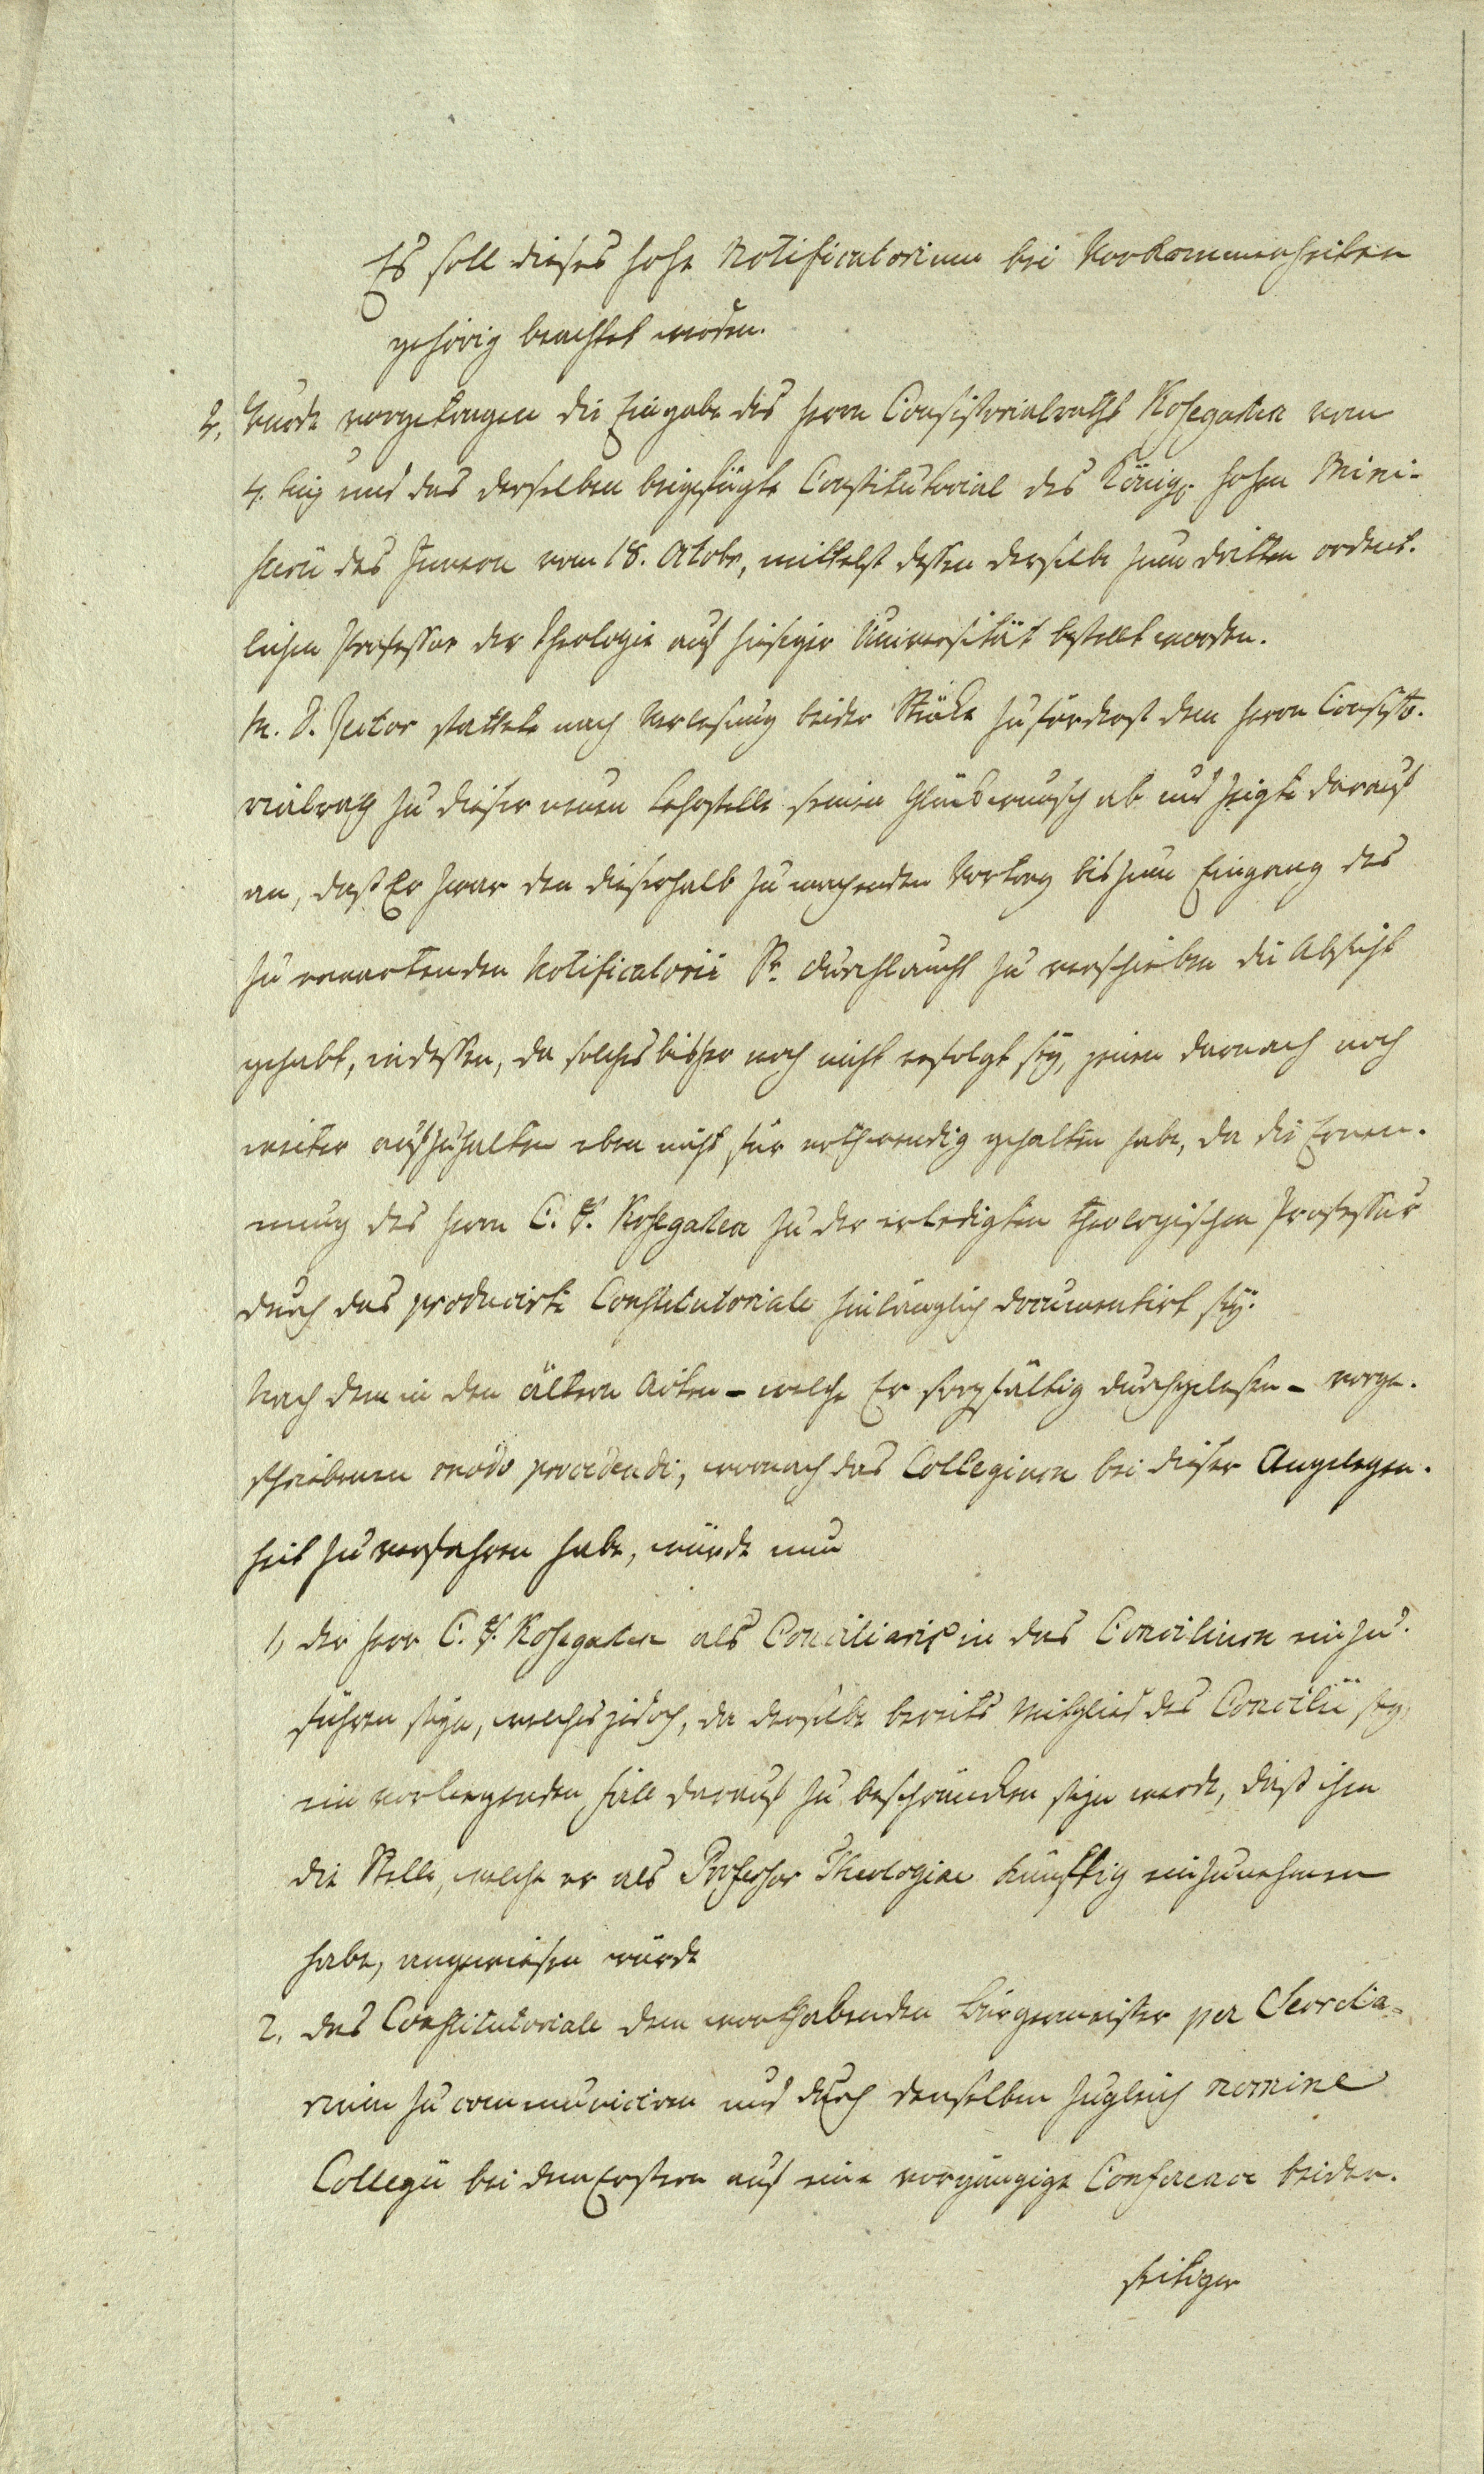Es soll dieses hohe Notificatorium bei Vorkommenheiten
gehörig beachtet werden.
2, Wurde vorgetragen die Eingabe des Herrn Consistorialraths Kosegarten vom
4. huj. und das derselben beigefügte Constitutorial des Königl. hohen Mini¬
sterii des Innern vom 18. Octobr, mittelst dessen derselbe zum dritten ordent¬
lichen Professor der Theologie auf hiesiger Universität bestellt worden.
M. D. Rector stattete nach Verlesung beider Stücke zuförderst dem Herrn Consisto¬
rialrath zu dieser neuen Lehrstelle seinen Glückwunsch ab und zeigte darauf
an, daß Er zwar den dieserhalb zu machenden Vortrag bis zum Eingang des
zu erwartenden Notificatorii Sr Durchlaucht zu verschieben die Absicht
gehabt, indessen, da solches bisher noch nicht erfolgt seÿ, jenen darnach noch
weiter aufzuhalten eben nicht für nothwendig gehalten habe, da die Ernen¬
nung des herrn C. R. Kosegarten zu der erledigten theologischen Professur
durch das producirte Constitutoriale hinlänglich documentirt seÿ.
Nach dem in den ältern Acten - welche Er sorgfältig durchgelesen - vorge¬
schriebenen modo procedendi, wornach das Collegium bei dieser Angelegen¬
heit zu verfahren habe, würde nun
1, der Herr C. R. Kosegarten als Conciliaris in das Concilium einzu¬
führen seÿn, welches jedoch, da derselbe bereits Mitglied des Concilii seÿ,
im vorliegenden Fall darauf zu beschräncken seÿn werde, daß ihm
die Stelle, welche er als Professor Theologiae künftig einzunehmen
habe, angewiesen würde.
2, das Constitutoriale dem worthabenden Bürgermeister per Secreta¬
rium zu communiciren und durch denselben zugleich nomine
Collegii bei dem Erstern auf eine vorgängige Conference beider¬
seitiger